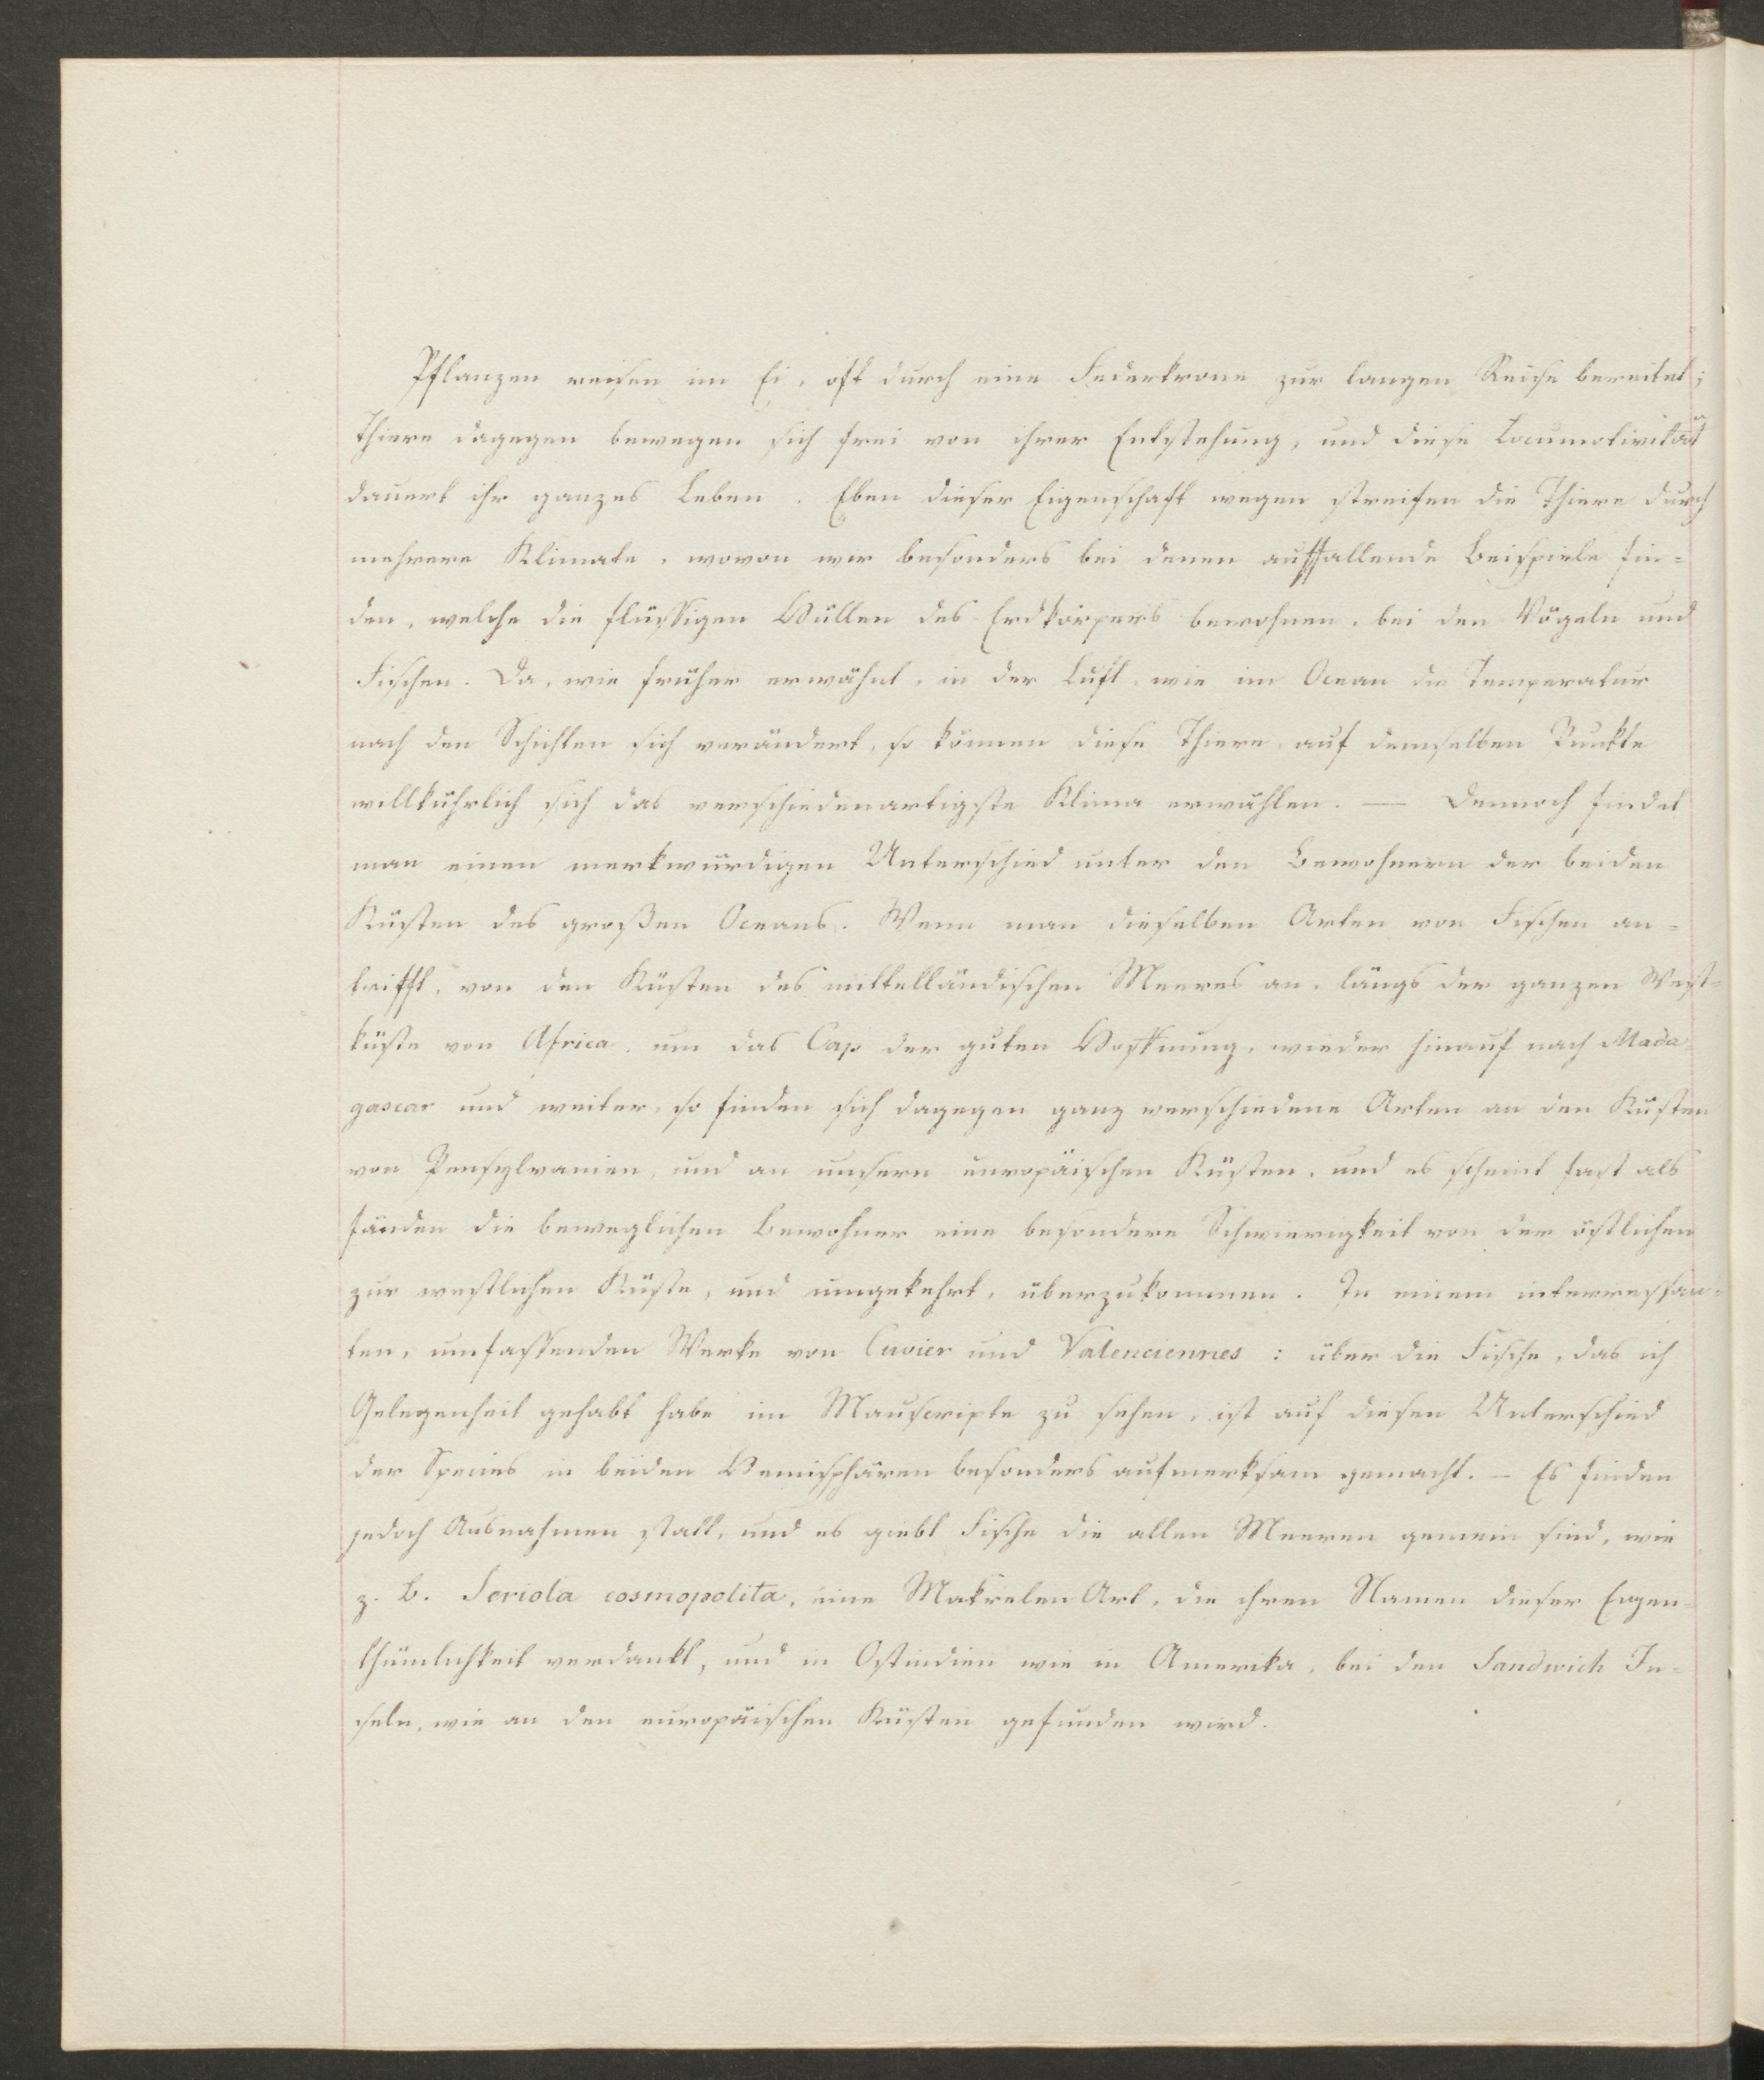Pflanzen reisen im Ei, oft durch eine Federkrone zur langen Reise bereitet;
Thiere dagegen bewegen sich frei von ihrer Entstehung, und diese Locumotivität
dauert ihr ganzes Leben. Eben dieser Eigenschaft wegen streifen die Thiere durch
mehrere Klimate, wovon wir besonders bei denen auffallende Beispiele fin-
den, welche die flüssigen Hüllen des Erdkörpers bewohnen, bei den Vögeln und
Fischen. Da, wie früher erwähnt, in der Luft, wie im Ocean die Temperatur
nach den Schichten sich verändert, so können diese Thiere auf demselben Punkte
willkürlich sich das verschiedenartigste Klima erwählen. – Dennoch findet
man einen merkwürdigen Unterschied unter den Bewohnern der beiden
Küsten des großen Oceans. Wenn man dieselben Arten von Fischen an-
trifft, von den Küsten des mittelländischen Meeres an, längs der ganzen West-
küste von Africa, um das Cap der guten Hoffnung, wieder hinauf nach Mada-
gascar und weiter, so finden sich dagegen ganz verschiedene Arten an den Küsten
von Pensylvanien und an unsern europäischen Küsten, und es scheint fast als
fänden die beweglichen Bewohner eine besondere Schwierigkeit von der östlichen
zur westlichen Küste, und umgekehrt, überzukommen. In einem interressan-
ten, umfassenden Werke von Cuvier und Valenciennes: über die Fische, das ich
Gelegenheit gehabt habe im Manuscripte zu sehen, ist auf diesen Unterschied
der Species in beiden Hemisphären besonders aufmerksam gemacht. – Es finden
jedoch Ausnahmen statt, und es giebt Fische die allen Meeren gemein sind, wie
z. B. Seriola cosmopolita, eine Makrelen Art, die ihren Namen dieser Eigen-
thümlichkeit verdankt, und in Ostindien wie in Amerika, bei den Sandwich In-
seln, wie an den europäischen Küsten gefunden wird.
7–
diese